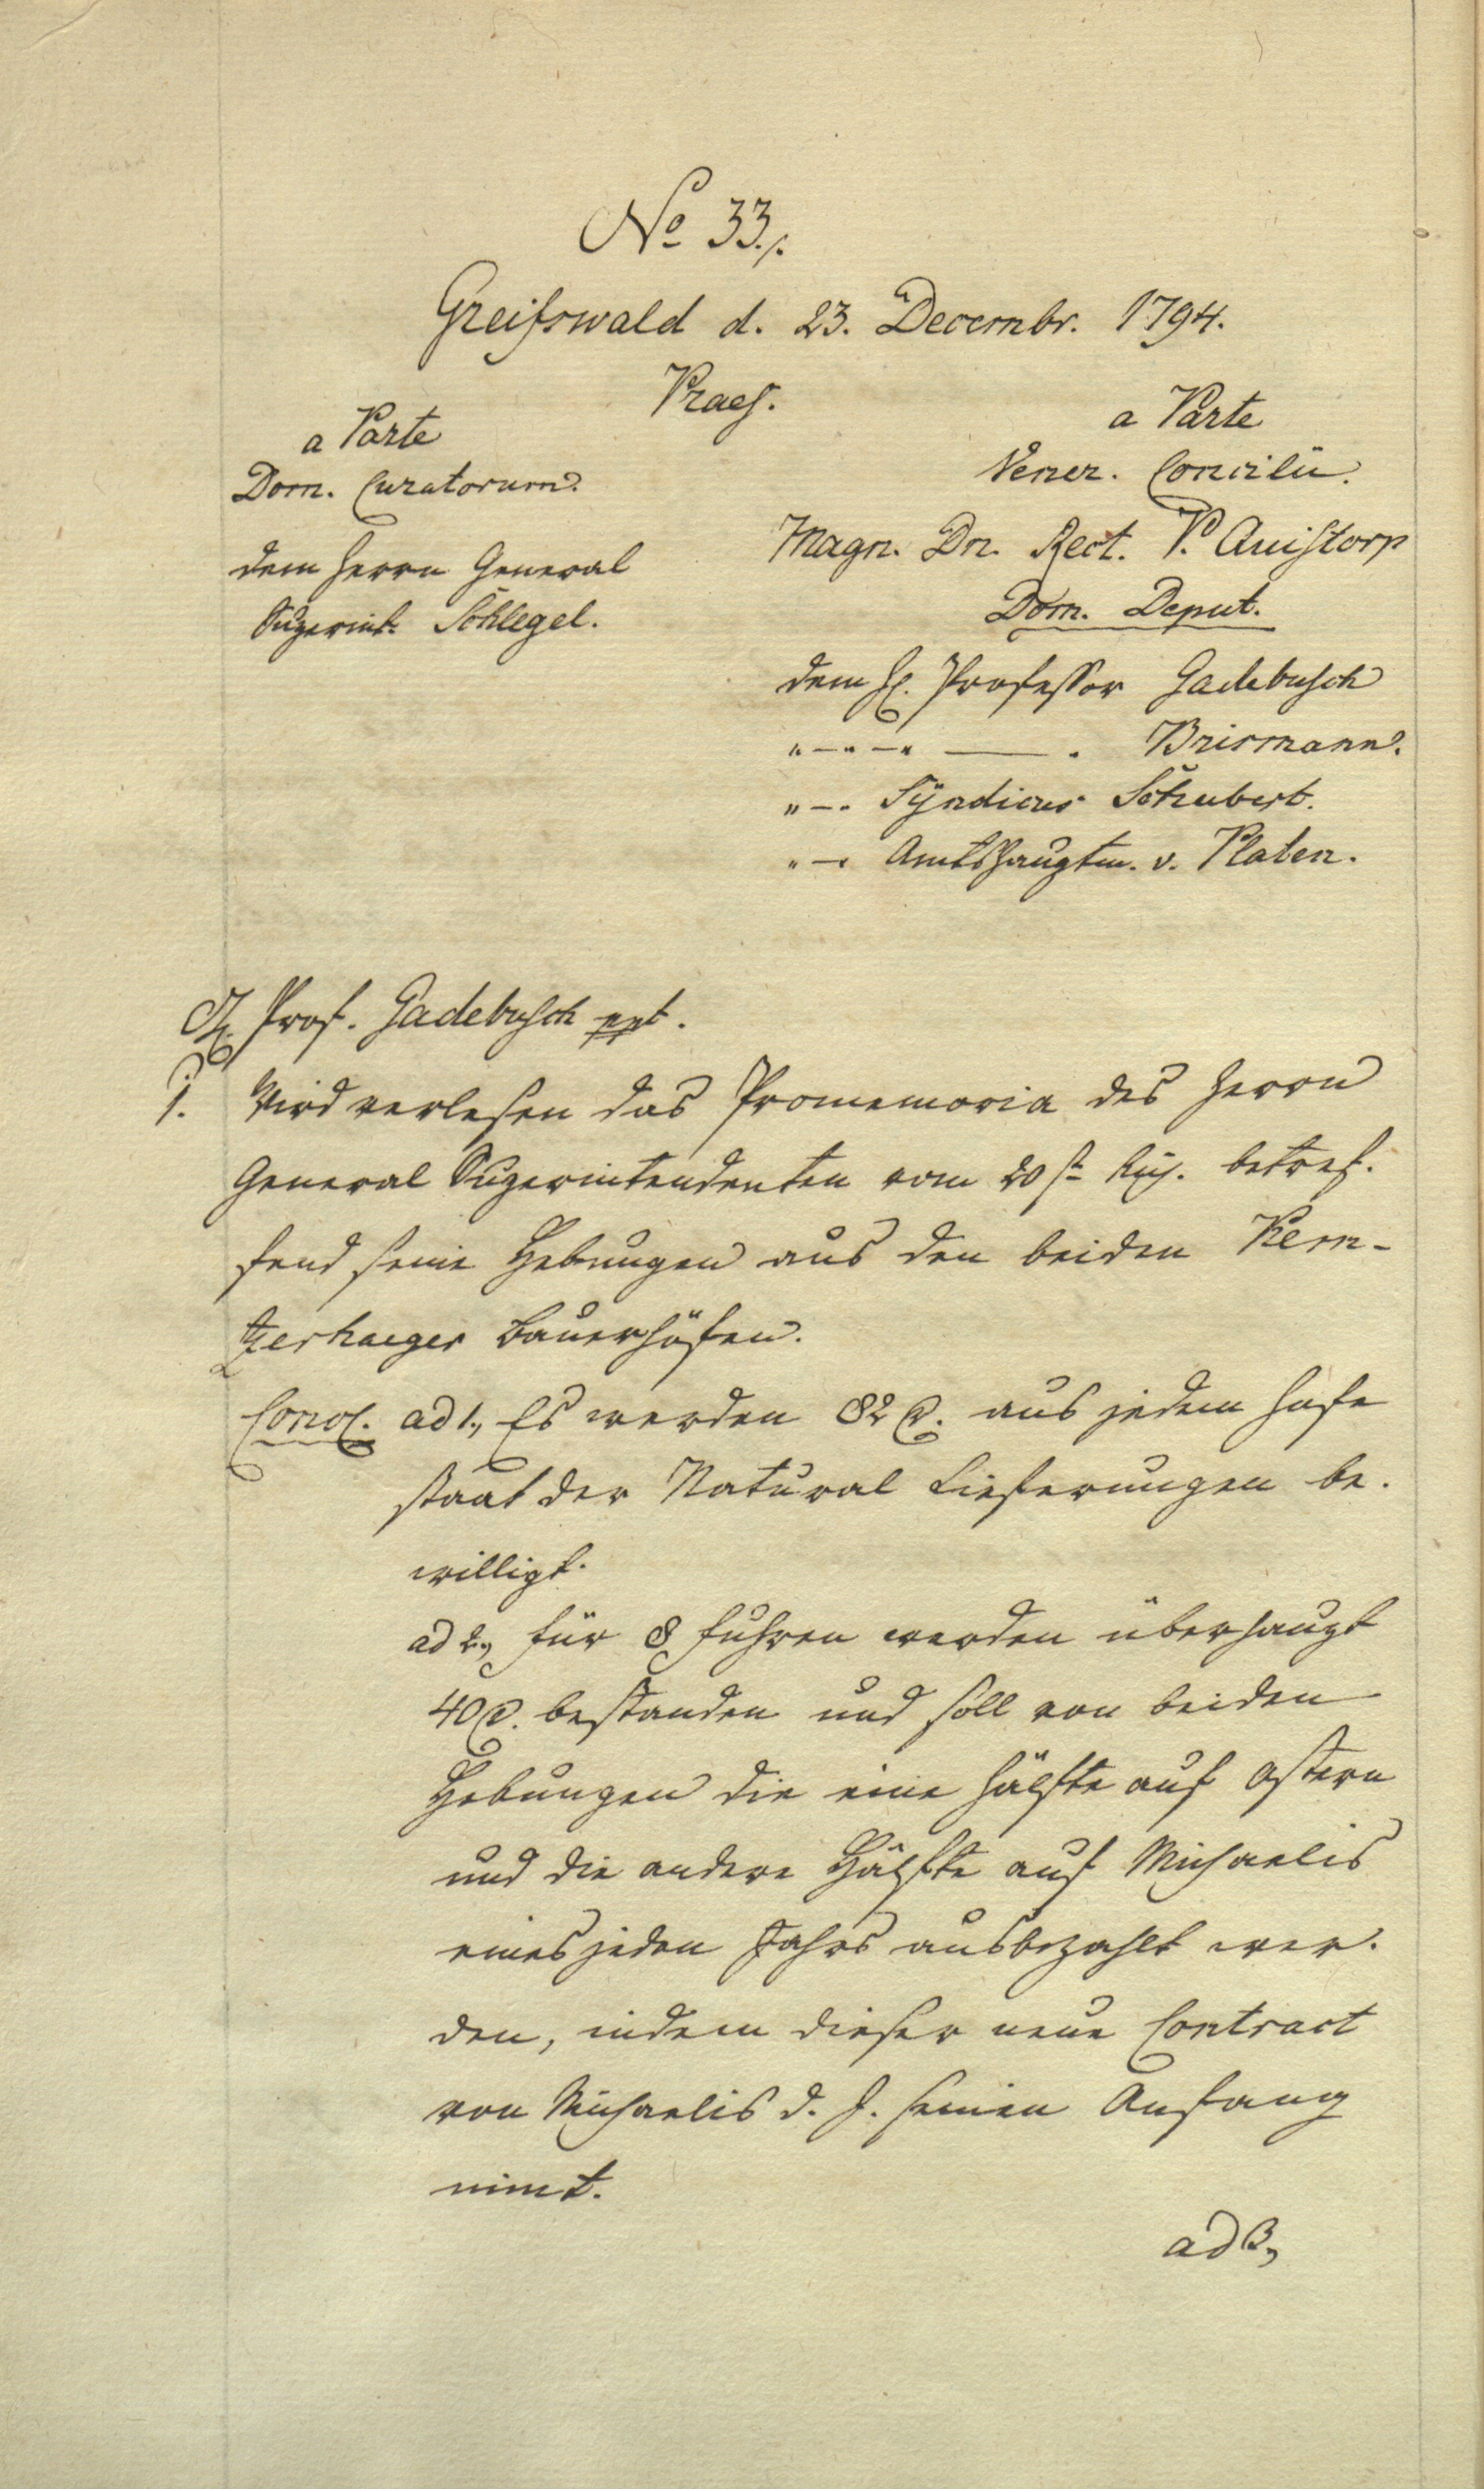No 33.
Greifswald d. 23. Decembr. 1794.
Praes.
a Parte a Parte
Dom. Curatorum. Vener. Concilii.
dem Herrn General¬ Magn. Dn. Rect. P. Quistorp
Superint. Schlegel.
Dom. Deput.
dem dh. Professor Gadebusch
Brismann.
Sÿndicus Schubert.
Amtshauptm. v. Platen.
dh. Prof. Gadebusch ppt.
1. Wird verlesen das Promemoria des Herrn
General Superintendenten vom 20 st huj. betref¬
fend seine Hebungen aus den beiden Kem¬
tzerhaeger Bauerhöfen.
Concl. ad 1., Es werden 82 l. aus jedem Hofe
staat der Natural Lieferungen be¬
willigt.
ad 2., für 8 Fuhren werden überhaupt
40 l. bestanden und soll von beiden
Hebungen die eine Hälfte auf Ostern
und die andere Hälfte auf Michaelis
eines jeden Jahres ausbezahlt wer¬
den, indem dieser neue Contract
von Michaelis d. J. seinen Anfang
nimt.
ad 3,